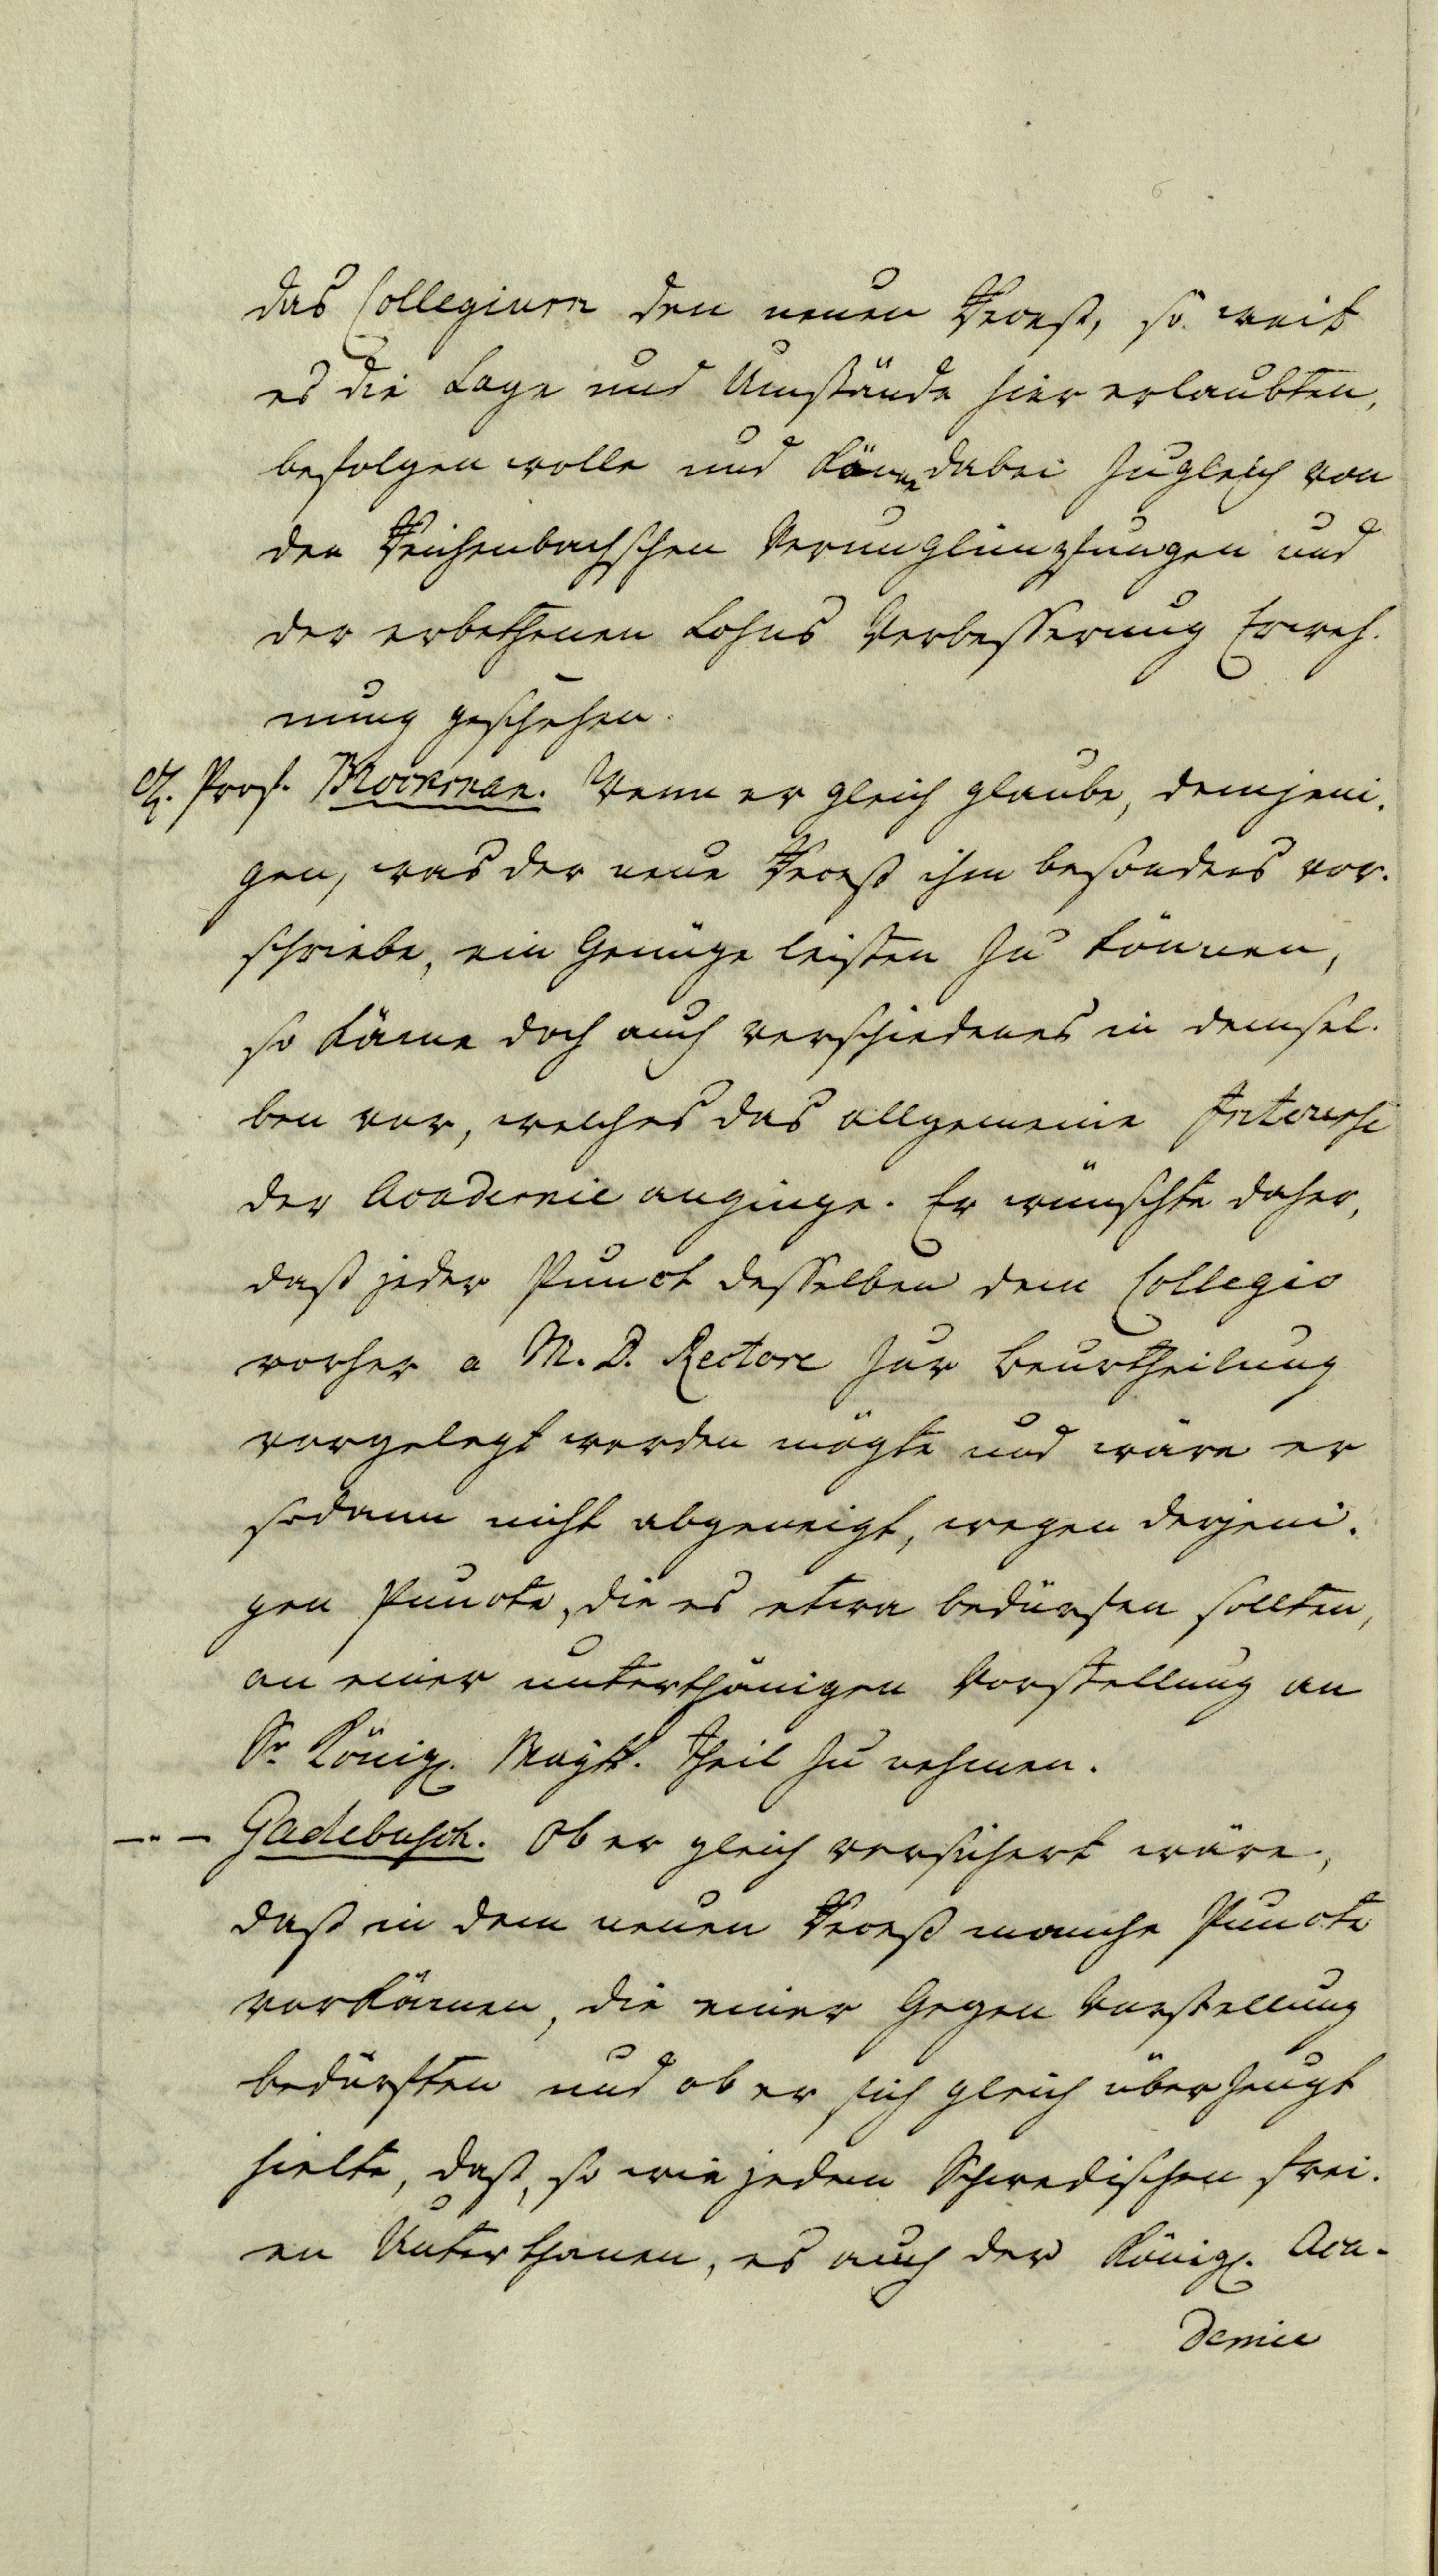das Collegium den neuen Receß, so weit
es die Lage und Umstände hier erlaubten,
befolgen wolle und könne dabei zugleich von
den Reichenbachschen Verunglimpfungen und
der erbethenen Lohns Verbesserung Erweh¬
nung geschehen
dh. Prof. Brockman. Wenn er gleich glaube, demjeni¬
gen, was der neue Receß ihm besonders vor¬
schriebe, ein Genüge leisten zu können,
so käme doch auch verschiedenes in demsel¬
ben vor, welches das allgemeine Interesse
der Academie anginge. Er wünschte daher,
daß jeder Punct desselben dem Collegio
vorher a M. D. Rectore zur Beurtheilung
vorgelegt werden mögte und wäre er
sodann nicht abgeneigt, wegen derjeni¬
gen Puncte, die es etwa bedürfen sollten,
an einer unterthänigen Vorstellung an
Sr. Königl. Maÿtt. Theil zu nehmen.
Gadebusch. Ob er gleich versichert wäre,
daß in dem neuen Receß manche Puncte
vorkämen, die einer Gegen Vorstellung
bedürften und ob er sich gleich überzeugt
hielte, daß so wie jedem Schwedischen frei¬
en Unterthanen, es auch der Königl. Aca¬
demie